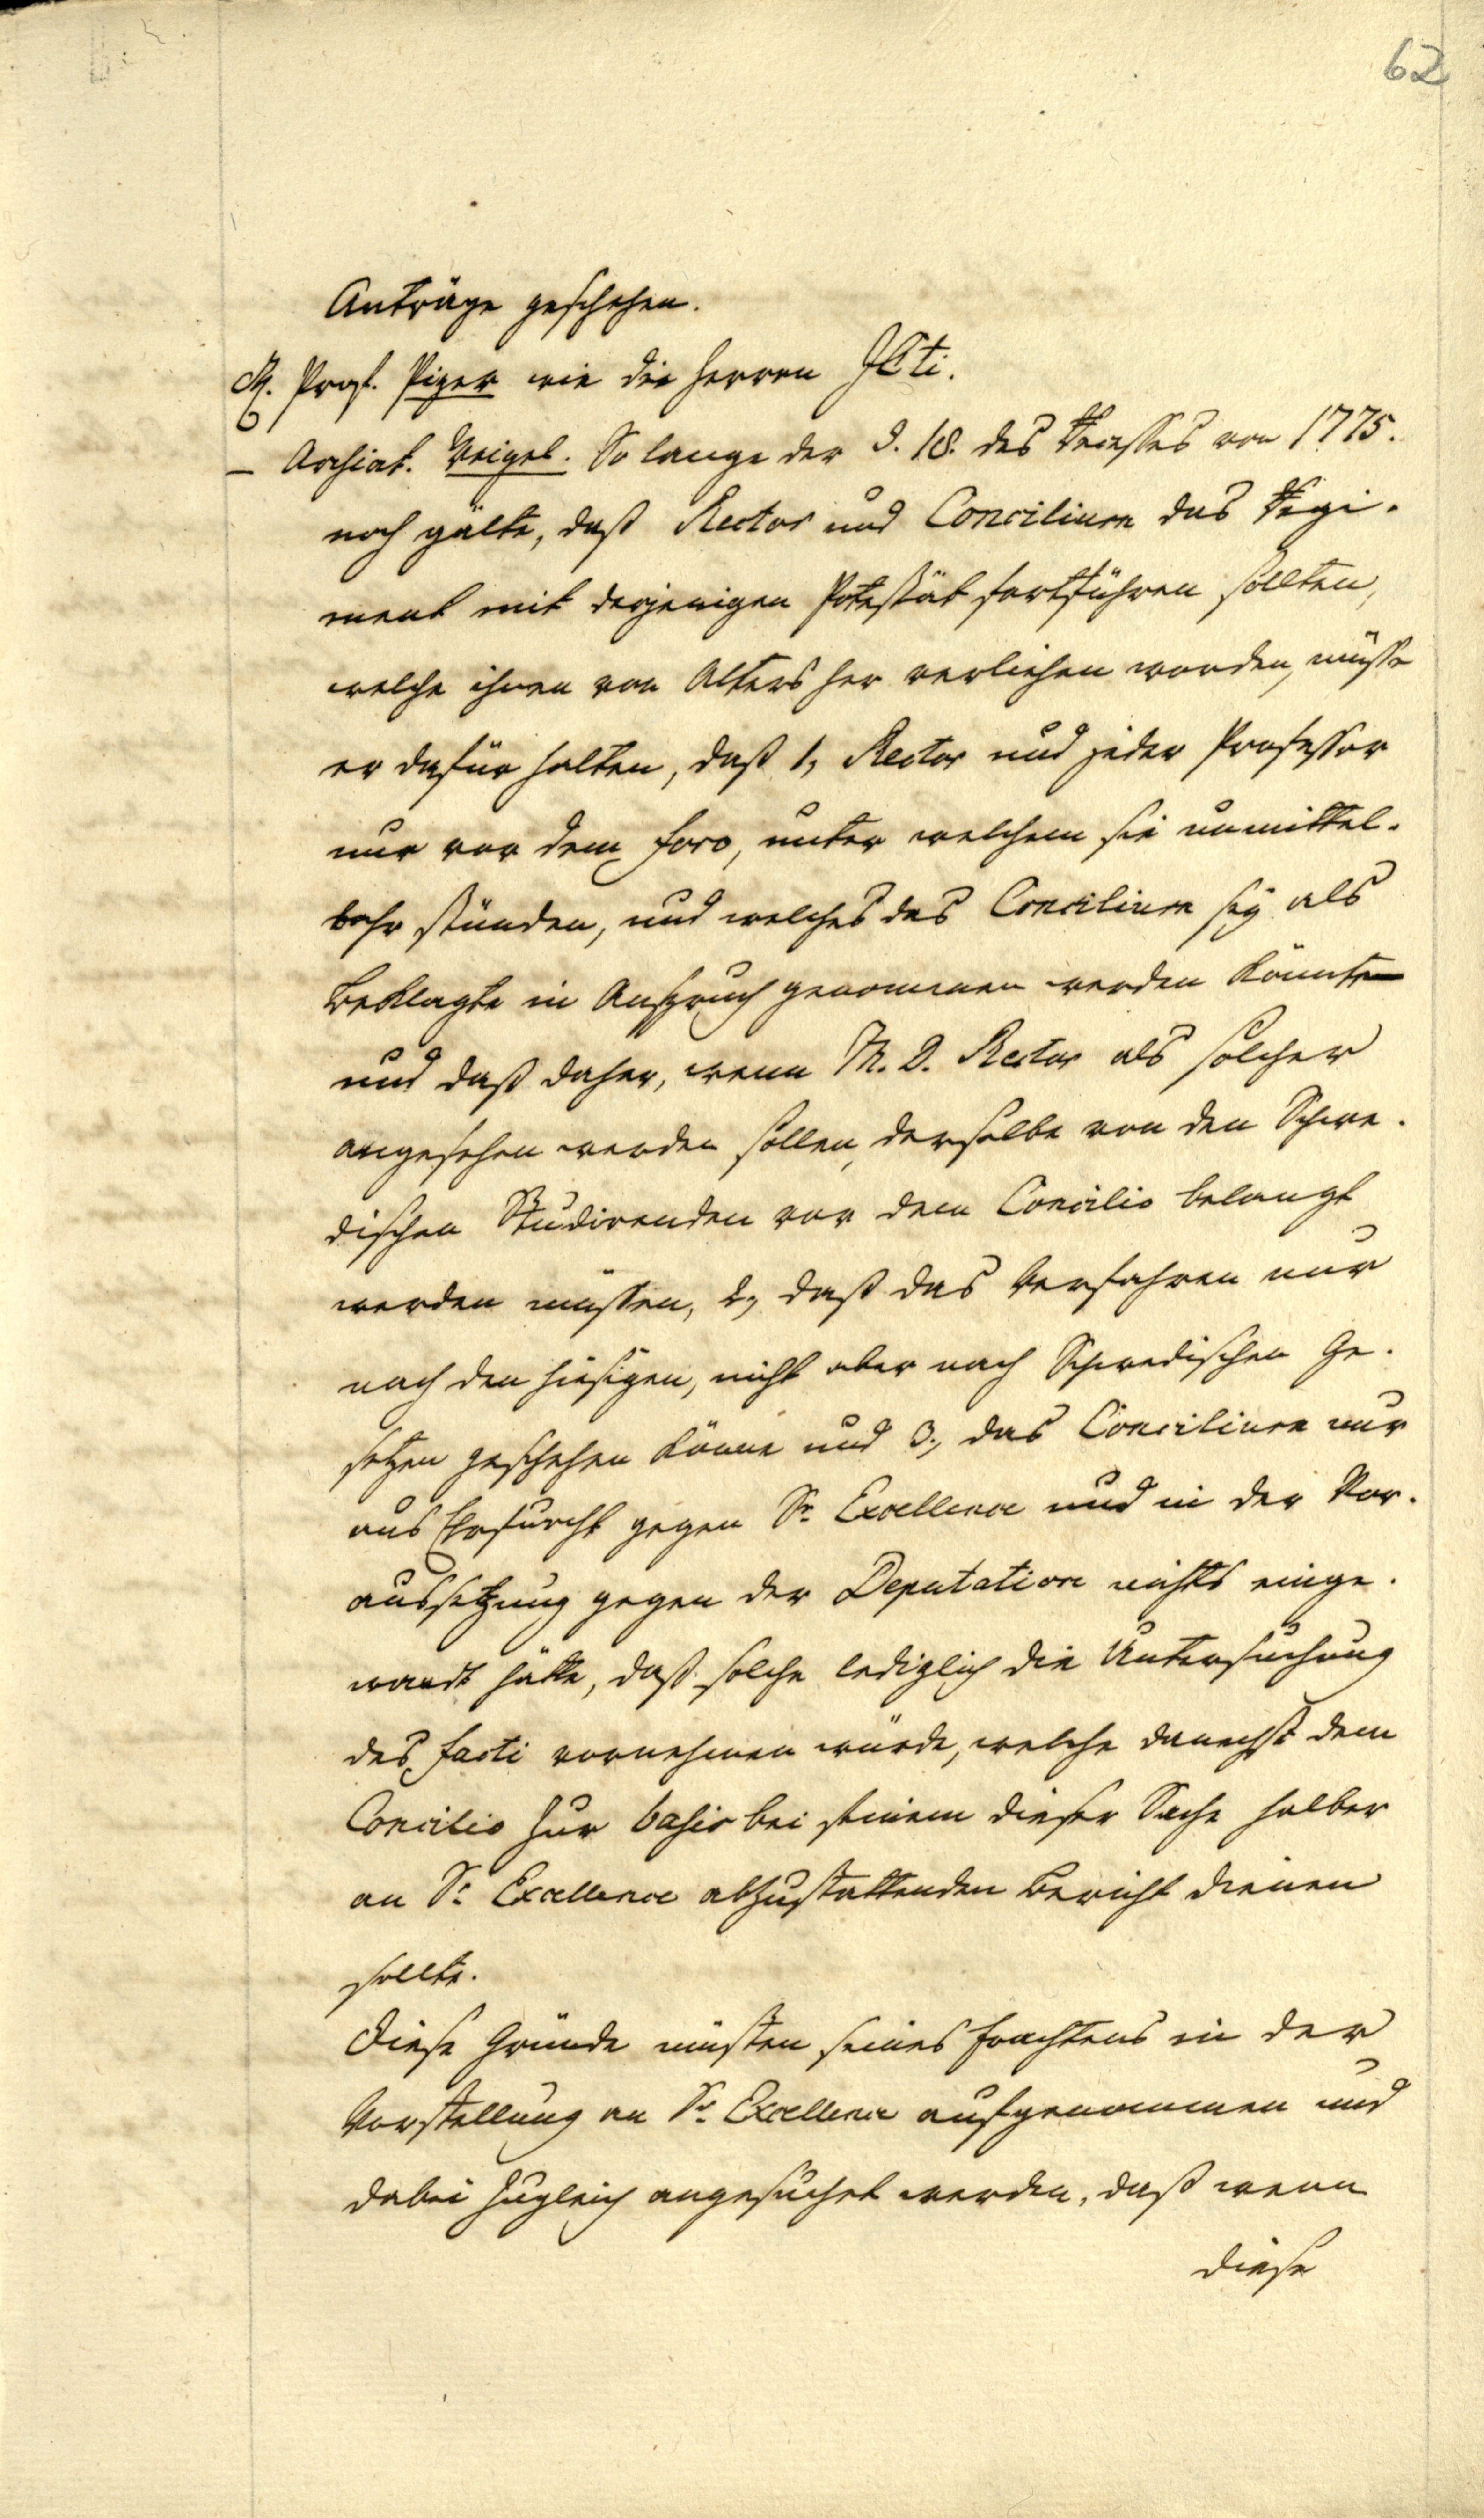Anträge geschehen.
dh. Prof. Piper wie der Herren Jlti.
Archiat. Weigel. So lange der §. 18 des Recesses von 1775.
noch gälte, daß Rector und Concilium das Regi¬
giment mit derjenigen Potestät fortführen sollten,
welche ihnen von Alters her verliehen worden, müsse
er dafür halten, daß 1, Rector und jeder Professor
nur vor dem foro unter welchem sie unmittel¬
bahr stünden, und welches das Concilium seÿ als
Beklagte in Anspruch genommen werden könnten
und daß daher, wenn M. D. Rector als solcher
angesehen werden sollen, derselbe von den Schwe¬
dischen Studirenden vor dem Concilio belangt
werden müssen, 2, daß das Verfahren nur
nach den hiesigen, nicht aber nach Schwedischen Ge¬
setzen geschehen könne und 3., das Concilium nur
aus Ehrfurcht gegen Sr. Excellence und in der Vor¬
aussetzung gegen der Deputation nichts einge¬
wandt hätte, daß solche lediglich die Untersuchung
des Facti vornehmen würde, welche danechst dem
Concilio zur basis bei seinem dieser Sache halber
an Sr Excellence abzustattenden Bericht dienen
sollte.
Diese Gründe müssen seines Erachtens in der
Vorstellung an Sr. Excellence aufgenommen und
dabei zugleich angesuchet werden, daß wenn
diese